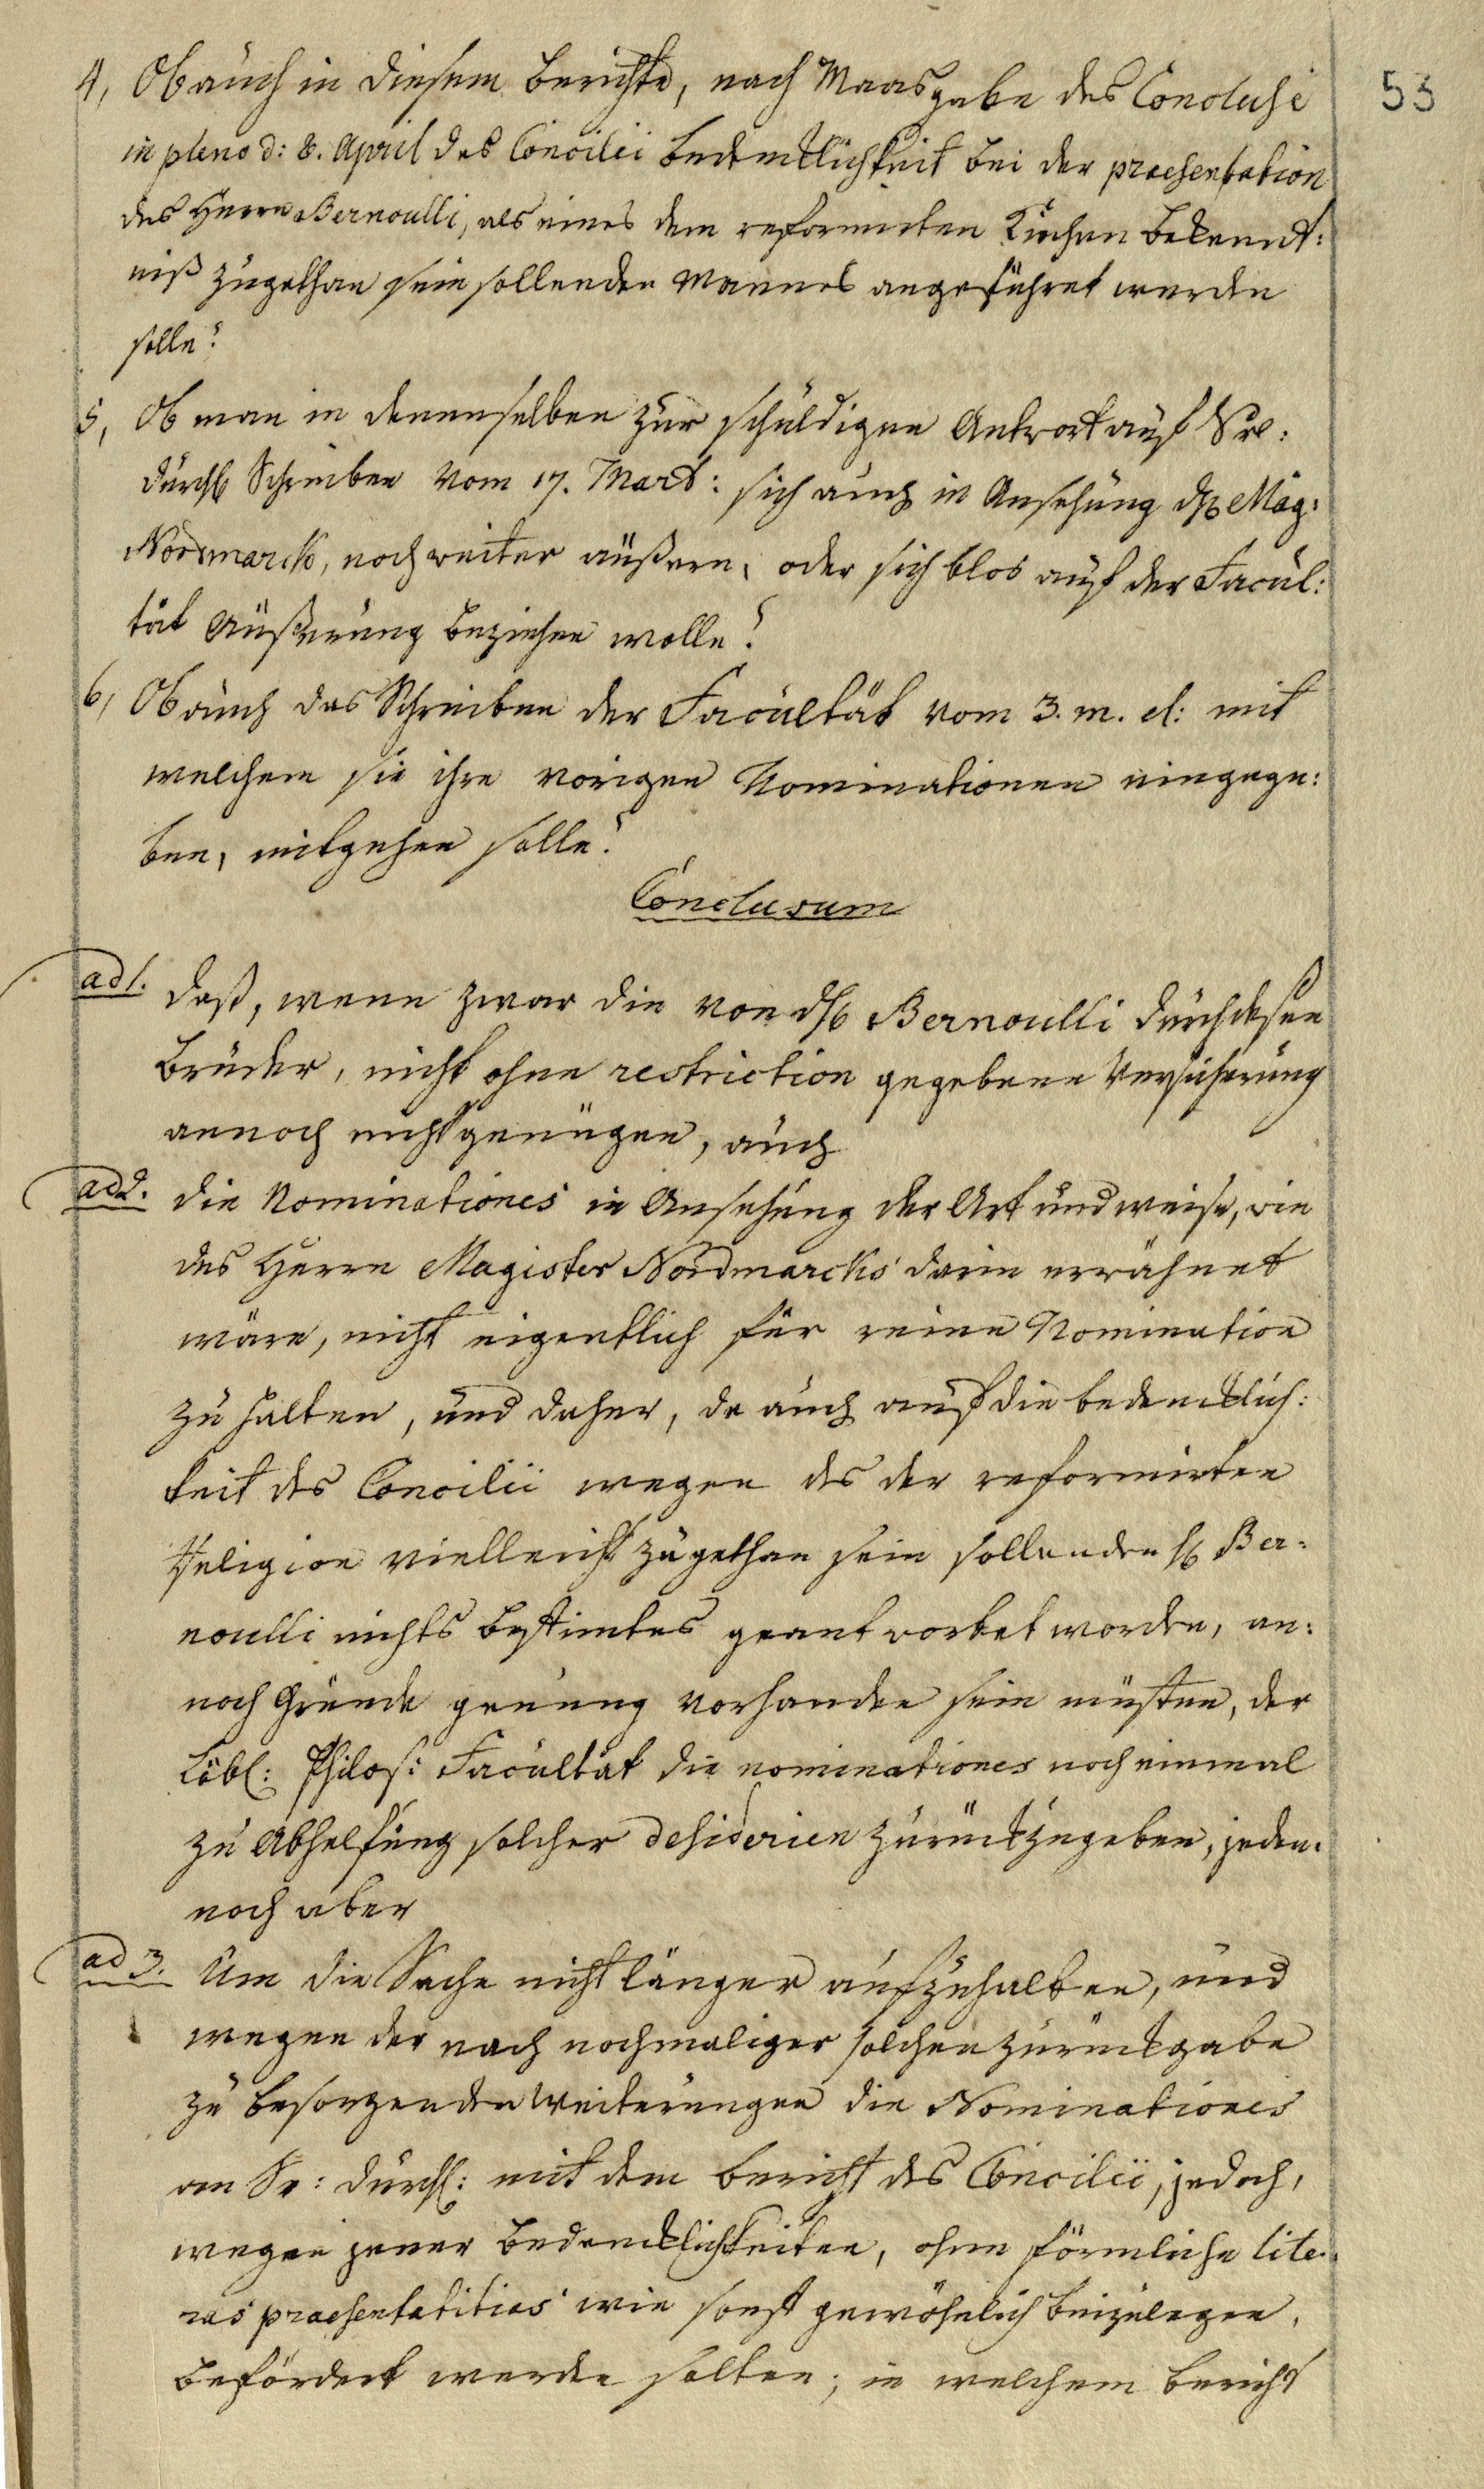4, Ob auch in diesem Berichte, nach Maasgabe des Conclusi
in pleno d. 8. April des Concilii Bedencklichkeit bei der praesentation¬
des Herrn Bernoulli, als eines dem reformirten Kirchen Bekennt¬
niß zugethan sein sollenden Mannes angeführet werden
solle?
5, Ob man in denenselben zur schuldigen Antwort auf Sr
Durchl. Schreiben vom 17. Mart. sich auch in Ansehung dh Mag.
Nordmarck, noch weiter äußern, oder sich blos auf der Facul¬
hät Äußerung beziehen wolle?
6, Ob auch das Schreiben der Facultät vom 3. m.el. mit
welchem sie ihre vorigen Nominationen eingege¬
ben, mitgehen solle?
Conclusum
ad 1. daß, wenn zwar die von dh Bernoulli durch deßen
Bruder, nicht ohne restriction gegebene Versicherung
annoch nicht genügen, auch
ad 2. die Nominationes in Ansehung der Art und weise, wie
des Herrn Magister Nordmarcks darin erwähnet
wäre, nicht eigentlich für reine Nomination
zu halten, und daher, da auch auf die Bedenklich¬
keitt des Concilii wegen des der reformirten
Religion vielleicht zugethan sein sollenden h. Ber¬
noulli nichts bestimtes geantwortet worden, an¬
noch Gründe genung vorhanden sein müsten, der
Löbl. Philos. Facultät die nominationes noch einmal
zu Abhelfung solcher desiderien zurückgegeben, jeden¬
noch aber
ad 3. Um die Sache nicht länger aufzuhalten, und
wegen der nach nochmaliger solchen Zurückgabe
zu besorgenden Weiterungen die Nominationis
an Sr Durchl. mit dem Bericht des Concilii, jedoch
wegen jener Bedenklichkeiten, ohne förmliche lite¬
ras praesentatitiis wie sonst gewöhnlich beizulegen,
befördert werden solten, in welchem Bericht